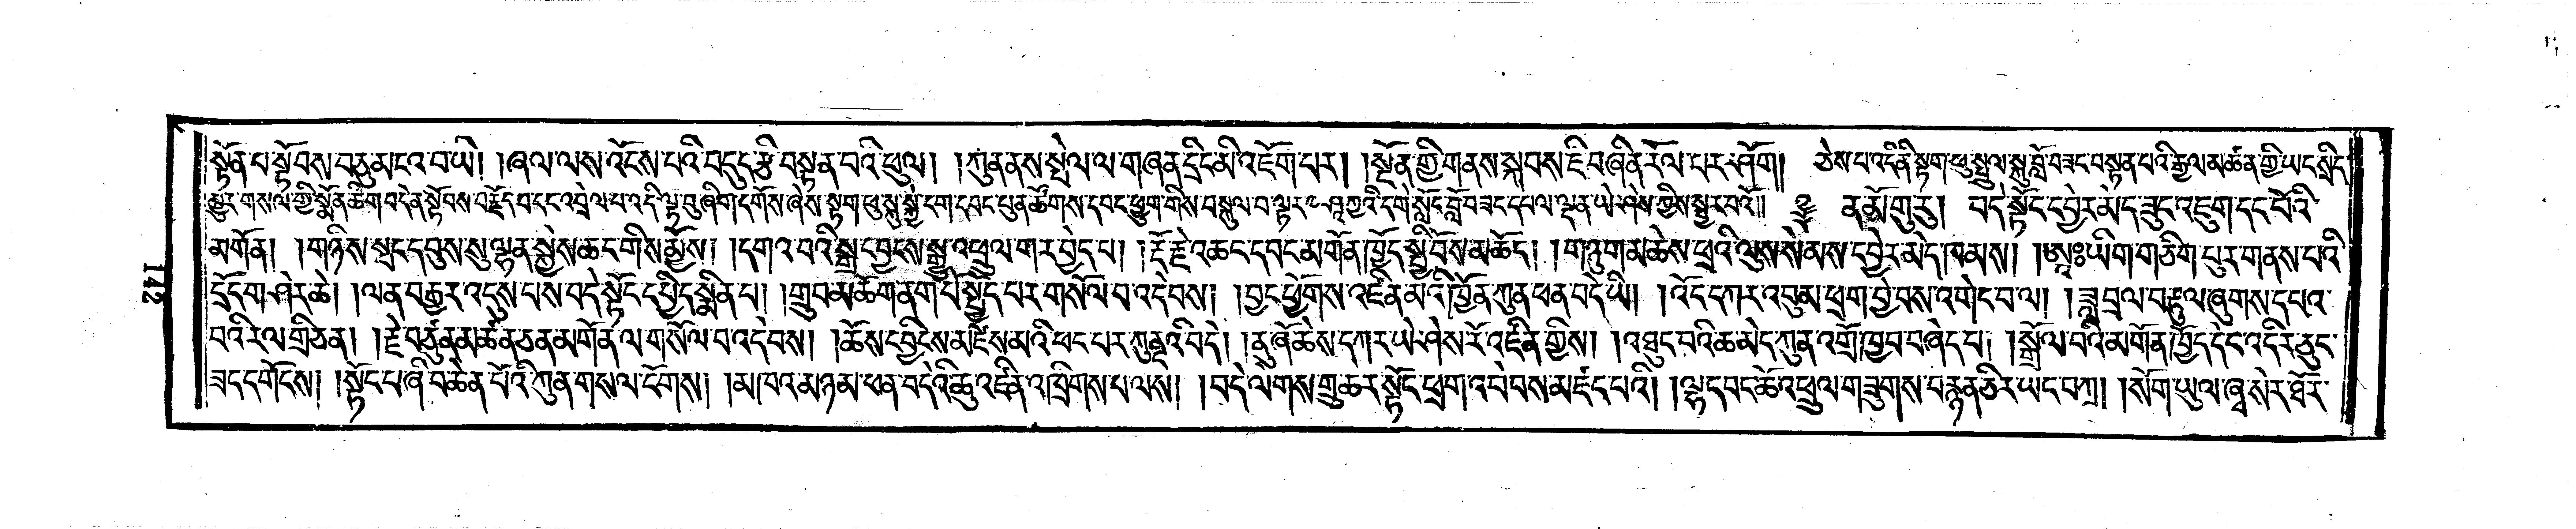སྟོན་པ་སྟོབས་བཅུ་མངའ་བ་ཡི། །ཞལ་ལས་འོངས་པའི་བདུད་རྩི་བསྟན་བའི་ཕུལ། །ཀུན་ནས་སྤེལ་ལ་གཞན་དྲིང་མི་འཇོག་པར། །སྔོན་གྱི་གནས་སྐབས་ཇི་བཞིན་རོལ་པར་ཤོག། ཅེས་པ་འདི་ནི་སྟག་ཕུ་སྤྲུལ་སྐུ་བློ་བཟང་བསྟན་བའི་རྒྱལ་མཚན་གྱི་ཡང་སྲིད་
མྱུར་གསལ་གྱི་སྨོན་ཚིག་བདེན་སྟོབས་བརྗོད་བ་དང་འབྲེལ་པ་འདི་ལྟ་བུ་ཞིག་དགོས་ཞེས་སྟག་ཕུ་སྐུ་སྐྱེ་དག་དབང་ཕུན་ཚོགས་དབང་ཕྱུག་གིས་བསྐུལ་བལྟར་༧་ཤཱཀྱའི་དགེ་སློང་བློ་བཟང་དཔལ་ལྡན་ཡེ་ཤེས་ཀྱིས་སྦྱར་བའོ།། ༈ ན་མོ་གུ་རུ། བདེ་སྟོང་དབྱེར་མེད་ཟུང་འཇུག་དང་པོའི་
མགོན། །གཉིས་སྤང་དབུས་སུ་ལྷན་སྐྱེས་ཆང་གིས་མྱོས། །དགའ་བའི་སྒྲ་དབྱངས་སྒྱུ་འཕྲུལ་གར་བྱེད་པ། །རྡོ་རྗེ་འཆང་དབང་མགོན་ཁྱོད་སྤྱི་བོས་མཆོད། །གཉུག་མཆེས་ཕྲའི་ལུས་སེམས་དབྱེར་མེད་ཁམས། །ཨཱཿ ཡིག་གཅིག་པུར་གནས་པའི་
དྲོང་གཤེར་ཆེ། །ལན་བརྒྱར་འདུས་པས་བདེ་སྟོང་དཔྱིད་སྨིན་པ། །གྲུབ་མཆོག་ནག་པོ་སྤྱོད་པར་གསོལ་བ་འདེབས། །བྱང་ཕྱོགས་འཛིན་མའི་ཁྱོན་ཀུན་ཕན་བདེ་ཡི། །འོང་དཀར་འབུམ་ཕྲག་བྱེ་བས་འགེང་བ་ལ། །ཟླ་བྲལ་བརྟུལ་ཞུགས་དཔའ་
བའི་རལ་གྲི་ཅན། །རྗེ་བཙུན་མཚན་ཅན་མགོན་ལ་གསོལ་བ་འདེབས། །ཆོས་དབྱིངས་མཛེས་མའི་ཕང་པར་ཀུནྡའི་བདེ། །ནུ་ཞོ་ཆེས་དཀར་ཡེ་ཤེས་རོ་འཛིན་གྱིས། །འཐུང་བའི་ཆ་མེད་ཀུན་འགྲོ་ཁྱབ་བཞེད་པ། །སྒྲོལ་བའི་མགོན་ཁྱོད་དེང་འདིར་ཅུང་
ཟད་དགོངས། །སྟོང་པ་ཞི་བ་ཆེན་པོའི་ཀུན་གསལ་དོགས། །མཁའ་མཉམ་ཕན་བདེའི་ཆུ་འཛིན་འཁྲིགས་པ་ལས། །བདེ་ལེགས་གྲུ་ཆར་སྟོང་ཕྲག་འབེབས་མཛད་པའི། །ལྷ་དབང་ཆོ་འཕྲུལ་གཟུགས་བརྙན་ཅིར་ཡང་བཀྲ། །སོག་ཡུལ་ཞྭ་སེར་ཐོར་